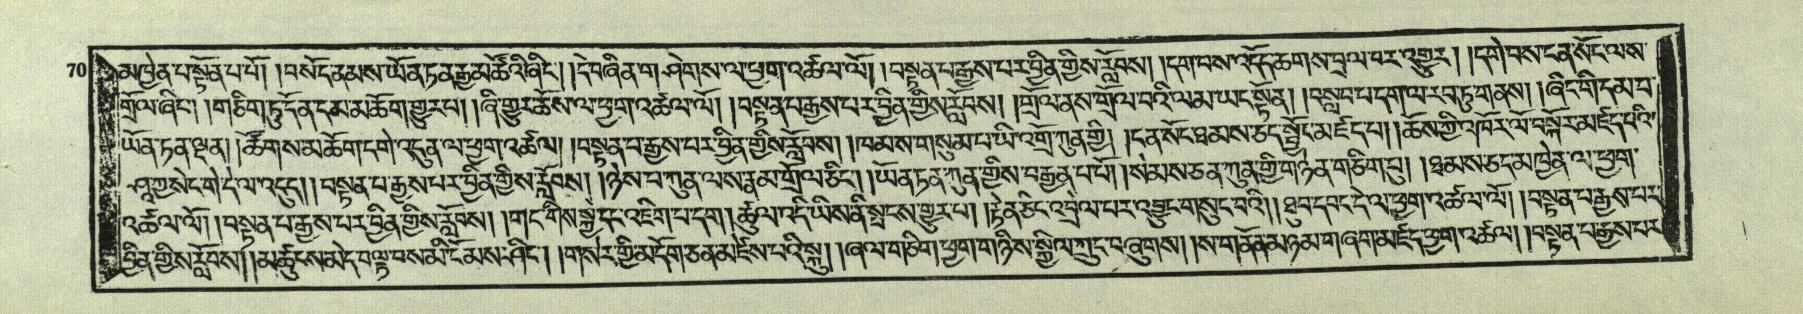མཁྱེན་པ་སྟོན་པ་པོ། །བསོད་ནམས་ཡོན་ཏན་རྒྱ་མཚོའི་ཞིང་། །དེ་བཞིན་གཤེགས་ལ་ཕྱག་འཚལ་ལོ། །བསྟན་པ་རྒྱས་པར་བྱིན་གྱིས་རློབས། །དག་པས་འདོད་ཆགས་བྲལ་བར་འགྱུར། །དགེ་བས་ངན་སོང་ལས་
གྲོལ་ཞིང་། །གཅིག་ཏུ་དོན་དམ་མཆོག་གྱུར་པ། །ཞི་གྱུར་ཆོས་ལ་ཕྱག་འཚལ་ལོ། །བསྟན་པ་རྒྱས་པར་བྱིན་གྱིས་རློབས། །གྲོལ་ནས་གྲོལ་བའི་ལམ་ཡང་སྟོན། །བསླབ་པ་དག་ལ་རབ་ཏུ་གནས། །ཞིང་གི་དམ་པ་
ཡོན་ཏན་ལྡན། །ཚོགས་མཆོག་དགེ་འདུན་ལ་ཕྱག་འཚལ། །བསྟན་པ་རྒྱས་པར་བྱིན་གྱིས་རློབས། །ཁམས་གསུམ་པ་ཡི་འགྲོ་ཀུན་གྱི། །ངན་སོང་ཐམས་ཅད་སྦྱོང་མཛད་པ། །ཆོས་ཀྱི་འཁོར་ལོ་བསྐོར་མཛད་པའི་
ཤཱ་ཀྱ་སེང་གེ་དེ་ལ་འདུད། །བསྟན་པ་རྒྱས་པར་བྱིན་གྱིས་རློབས། །ཉེས་པ་ཀུན་ལས་རྣམ་གྲོལ་ཅིང་། །ཡོན་ཏན་ཀུན་གྱིས་བརྒྱན་པ་པོ། །སེམས་ཅན་ཀུན་གྱི་གཉེན་གདིག་པུ། །ཐམས་ཅད་མཁྱེན་ལ་ཕྱག་
འཚལ་ལོ། །བསྟན་པ་རྒྱས་པར་བྱིན་གྱིས་རློབས། །གང་གིས་སྐྱེ་དང་འཇིག་པ་དག། །ཚུལ་འདི་ཡིས་ནི་སྤངས་གྱུར་པ། །རྟེན་ཅིང་འབྲེལ་བར་འབྱུང་གསུང་བའི། །ཐུབ་དབང་དེ་ལ་ཕྱག་འཚལ་ལོ། །བསྟན་པ་རྒྱས་པར་
བྱིན་གྱིས་རློབས། །མཚུངས་མེད་བལྟ་བས་མི་ངོམས་ཤིང་། །གསེར་གྱི་མདོག་ཅན་མཛེས་པའི་སྐུ། །ཞལ་གཅིག་ཕྱག་གཉིས་སྐྱིལ་ཀྲུང་བཞུགས། །ས་གནོན་མཉམ་གཞག་མཛད་ཕྱག་འཚལ། །བསྟན་པ་རྒྱས་པར་